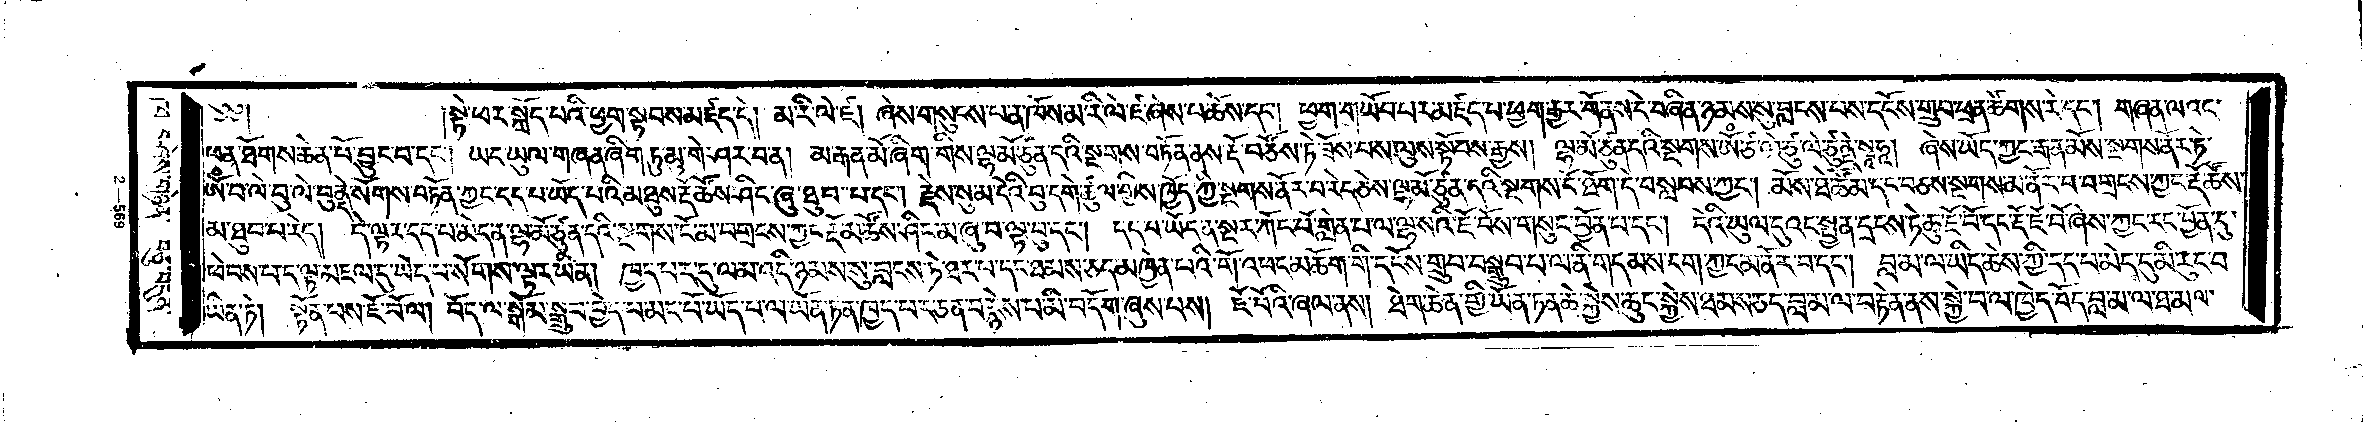༄༅། །སྟེ་ཕར་སྐྲོད་པའི་ཕྱག་སྟབས་མཛད་དེ།མ་རི་ལེ་ཛ། ཞེས་གསུངས་པ་ན་ཁོས་མ་རི་ལེ་ཛ་ཞེས་པ་ཆོས་དང་། ཕྱག་གཡོབ་པར་མཛད་པ་ཕྱག་རྒྱར་གོ་ནས་དེ་བཞིན་ཉམས་སུ་བླངས་པས་དངོས་གྲུབ་ཕྲན་ཚེགས་རེ་དང་། གཞན་ལའང་
ཕན་ཐོགས་ཆེན་པོ་བྱུང་བ་དང་། ཡང་ཡུལ་གཞན་ཞིག་ཏུ་མུ་གེ་ཤར་བ་ན། མ་རྒན་མོ་ཞིག་གིས་ལྷ་མོ་ཙུན་དའི་སྔགས་བཏོན་ནས་རྡོ་བཙོས་ཏེ་ཟོས་པས་ལུས་སྟོབས་རྒྱས། ལྷ་མོ་ཙུན་དའི་སྔགས་ཨོཾ་ཙ་ལེ་ཙུ་ལེ་ཙུནྡེ་སྭཱཧཱ། ཞེས་ཡོད་ཀྱང་རྒན་མོས་སྔགས་ནོར་ཏེ་
ཨོཾ་བ་ལེ་བུ་ལེ་བུནྡེ་སོགས་བཏོན་ཀྱང་དད་པ་ཡོད་པའི་མཐུས་རྡོ་ཚོས་ཤིང་ཞུ་ཐུབ་པ་དང་། རྗེས་སུ་མ་དེའི་བུ་དགེ་ཚུལ་གྱིས་ཁྱོད་ཀྱི་སྔགས་ནོར་བ་རེད་ཅེས་ལྷ་མོ་ཙུན་དའི་སྔགས་དོ་ཐོག་དེ་བསླབས་ཀྱང་། མོས་ཐེ་ཚོམ་དང་བཅས་སྔགས་མ་ནོར་བ་བགྲངས་ཀྱང་རྡོ་ཚོས་
མ་ཐུབ་པ་རེད། དེ་ལྟར་དད་པ་མེད་ན་ལྷ་མོ་ཙུན་དའི་སྔགས་དོ་མ་བགྲངས་ཀྱང་རྡོ་མཚོས་ཤིང་མ་ཞུ་བ་ལྟ་བུ་དང་། དད་པ་ཡོད་ན་སྔར་ཀོང་པོ་གླེན་པ་ལ་ལྷ་སའི་ཇོ་བོས་གསུང་བྱོན་པ་དང་། དེའི་ཡུལ་དུའང་སྤྱན་དྲངས་ཏེ་ཆུ་ཇོ་བོ་དང་རྡོ་ཇོ་བོ་ཞེས་ཀྱང་རང་བྱོན་དུ་
ཕེབས་པ་ད་ལྟ་མཇལ་དུ་ཡོད་པ་སོགས་ལྟར་ཡིན། ཁྱད་པར་དུ་ལམ་འདི་ཉམས་སུ་བླངས་ཏེ་ཐར་པ་དང་ཐམས་ཅད་མཁྱེན་པའི་གོ་འཕང་མཆོག་གི་དངོས་གྲུབ་བསྒྲུབ་པ་ལ་ནི་གདམས་ངག་ཀྱང་མ་ནོར་བ་དང་། བླ་མ་ཡིད་ཆེས་ཀྱི་དད་པ་མེད་དུ་མི་རུང་བ་
ཡིན་ཏེ། སྟོན་པས་ཇོ་བོ་ལ། བོད་ལ་སྒོམ་སྒྲུབ་བྱེད་པ་མང་པོ་ཡོད་པ་ལ་ཡོན་ཏན་ཁྱད་པར་ཅན་བརྙེས་པ་མི་བདོག་ཞུས་པས། ཇོ་བོའི་ཞ་ནས། ཐེག་ཆེན་གྱི་ཡོན་ཏན་ཆེ་སྐྱེས་ཆུང་སྐྱེས་ཐམས་ཅད་བླ་མ་ལ་བརྟེན་ནས་སྐྱེ་བ་ལ་ཁྱེད་བོད་བླ་མ་ལ་ཐ་མལ་